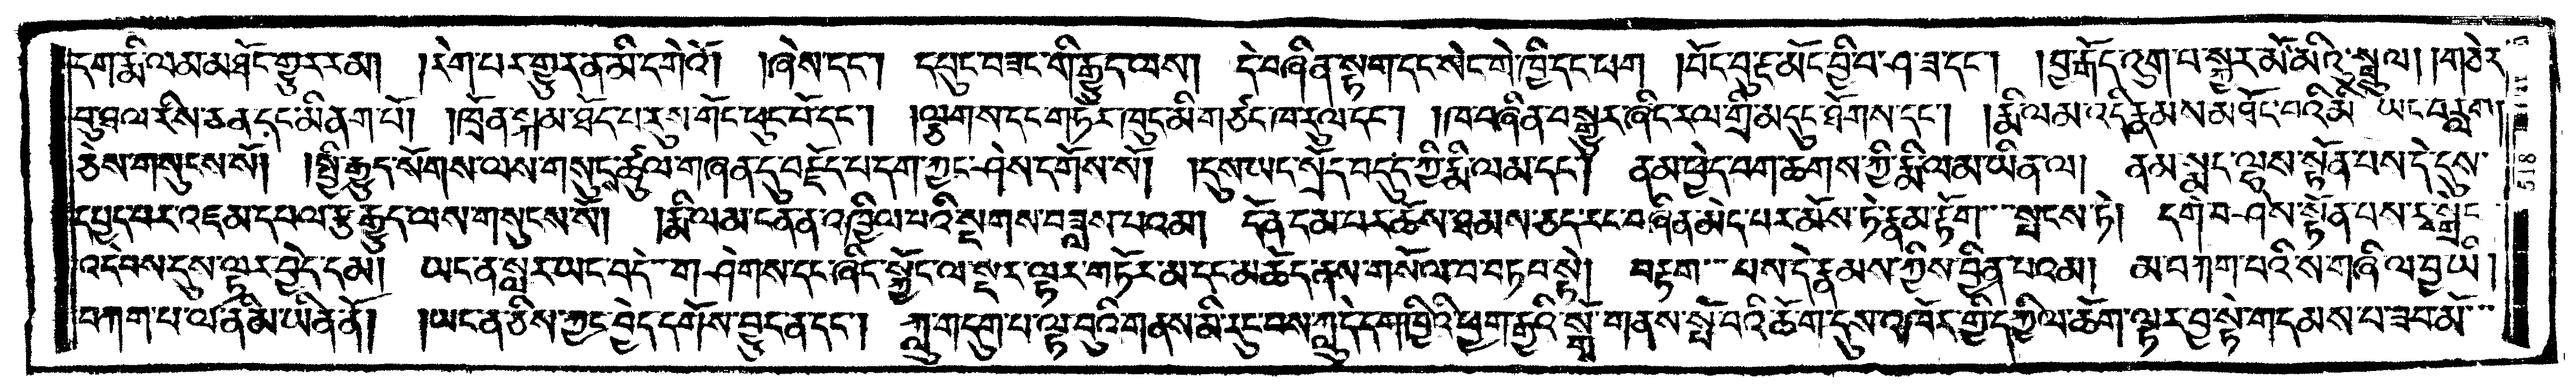དག་རྨི་ལམ་མཐོང་གྱུར་རམ། །རེག་པར་གྱུར་ན་མི་དགེའོ། །ཞེས་དང་། དཔུང་བཟང་གི་རྒྱུད་ལས། །དེ་བཞིན་སྟག་དང་སེང་གེ་ཁྱི་དང་ཕག། །བོང་བུ་རྔ་མོང་བྱི་བ་ཤ་ཟ་དང་། །བྱ་རྒོད་འུག་པ་སྐྱར་མོ་མིའུ་སྦྲུལ། །གཅེར་
བུ་ཐལ་རིས་ཅན་དང་མི་ནག་པོ། །ཁྲོན་སྐམ་ཐོད་པ་རུས་གོང་ཕུང་པོ་དང་། །ལྕགས་དང་གཏེར་ཁུང་མི་གཙང་ཁ་རུལ་དང་། །ཁ་བཞིན་བསྒྱུར་ཞིང་རལ་གྲི་མདུང་ཐོགས་དང་། །རྨི་ལམ་འདི་རྣམས་མཐོང་བའི་མི་ཡང་བརླག་
ཅེས་གསུངས་སོ། །སྤྱི་རྒྱུད་སོགས་ལས་གསུངས་ཚུལ་གཞན་དུ་བརྗོད་པ་དག་ཀྱང་ཤེས་དགོས་སོ། །དུས་ཡང་སྲོད་འདུད་ཀྱི་རྨི་ལམ་དང་། ནམ་ཕྱེད་བག་ཆགས་ཀྱི་རྨི་ལམ་ཡིན་ལ། ནམ་སྨད་ལྷས་སྟོན་པས་དེ་དུས་
དཔྱད་བར་འཇམ་དཔལ་རྩ་རྒྱུད་ལས་གསུངས་སོ། །རྨི་ལམ་ངན་ན་འཁྱིལ་བའི་སྔགས་བཟླས་པའམ། དོན་དམ་པར་ཆོས་ཐམས་ཅད་རང་བཞིན་མེད་པར་མོས་ཏེ་རྣམ་རྟོག་སྤངས་ཏེ། དགེ་བཤེས་སྟོན་པས་རྭ་སྒྲེང་
འདེབས་དུས་ལྟར་བྱེད་དམ། ཡང་ན་སླར་ཡང་བདེ་གཤེགས་དང་ཞིང་སྐྱོང་ལ་སྔར་ལྟར་གཏོར་མ་དང་མཆོད་ནས་གསོལ་བ་བཏབ་སྟེ། བརྟག་བས་དེ་རྣམས་ཀྱིས་བྱིན་པའམ། མ་བཀག་པའི་ས་གཞི་ལ་བྱ་ཡི།
བཀག་པ་ལ་ན་མི་ཡིན་ནོ། །ཡང་ན་ཅིས་ཀྱང་བྱེད་དགོས་བྱུང་ན་དང་། ཀླུ་གདུག་པ་ལྟ་བུའི་གནས་མི་རུང་བས་ཀླུ་དེ་དག་ཁྱིའི་ཕྱག་རྒྱའི་སྒོས་གནས་སྤོ་བའི་ཆོ་ག་དུས་འཁོར་གྱི་དཀྱིལ་ཆོག་ལྟར་བྱ་སྟེ་གདམས་བ་ཟབ་མོ་